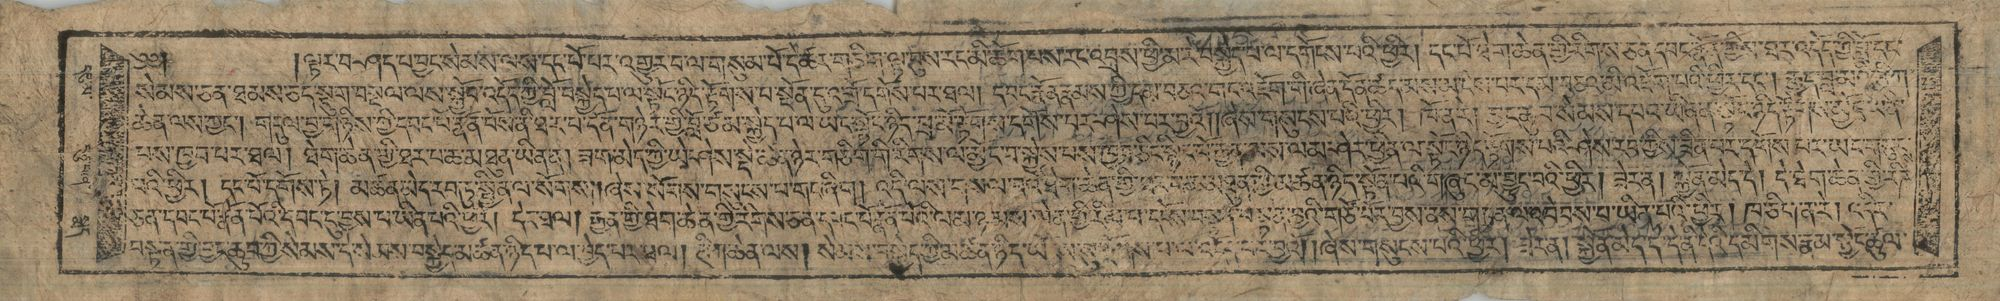༄༅། །ལྟར་བཤད་པ་བྱང་སེམས་ལས་དང་པོ་བར་འགྱུར་བ་ལ་གསུམ་པོ་དེ་ཚར་གཅིག་ལྟ་བུས་རང་མི་ཆོག་པས་རང་འབྲས་ཕྱི་མ་རེ་བསྐྱེད་པ་ལ་དགོངས་པའི་ཕྱིར། དང་པོ་ཐེག་ཆེན་གྱི་རིགས་ཅན་དབང་རྣོན་གྱིས་ཐར་འདོད་ཀྱི་བློ་དང་
སེམས་ཅན་ཐམས་ཅད་སྡུག་བསྔལ་ལས་སྐྱོབ་འདོད་ཀྱི་བློ་བསྐྱེད་པ་ལ་སྟོང་ཉིད་རྟོགས་པ་སྔོན་དུ་འགྲོ་དགོས་པར་ཐལ། དབང་རྣོན་རྣམས་ཀྱི་དམ་བཅའ་གང་འཇོག་གི་ཞེན་དོན་ཚད་མས་མ་ངེས་པར་དམ་བཅའ་མི་འཇོག་པའི་ཕྱིར་དང་། རྒྱུད་བླ་མའི་ཊིཀ་
ཆེན་ལས་ཀྱང་། གདུལ་བྱ་གཉིས་ཀྱི་དབང་པོ་རྣོན་པོས་ནི་ཐར་པ་དོན་གཉེར་གྱི་བློ་ཙམ་སྐྱེད་པ་ལ་ཡང་སྟོང་ཉིད་ཕྲ་མོ་རྟོགས་དགོས་པར་ཤེས་པར་བྱའོ། །ཞེས་གསུངས་པའི་ཕྱིར། ཁོ་ན་རེ། བྱང་ཆུབ་སེམས་དཔའ་ཡིན་ན་སྟོང་ཉིད་རྟོགས་མྱོང་ཡིན་
པས་ཁྱབ་པར་ཐལ། ཐེག་ཆེན་གྱི་ཐར་པ་ཆ་མཐུན་ཡིན་ན། ཟག་མེད་ཀྱི་ཡེ་ཤེས་སྡེ་ཚན་ཉེར་གཅིག་གི་རིགས་ལ་མྱོང་བ་སྐྱེས་པས་ཁྱབ་ཅིང་སྙིང་པོ་རྒྱན་ལས་ལམ་ཤེར་ཕྱིན་ལ་སྟོང་ཉིད་རྟོགས་པའི་ཤེས་རབ་ཀྱིས་ཟིན་པར་དགོས་པར་ཡང་གསུངས་
པའི་ཕྱིར། དང་པོ་དགོས་ཏེ། མཚན་མེད་རབ་ཏུ་སྦྱིན་ལ་སོགས། །ཞེས་སོགས་གསུངས་པ་གང་ཞིག །འདི་ལས་གསལ་བའི་ཐེག་ཆེན་གྱི་ཐར་པ་ཆ་མཐུན་གྱི་མཚན་ཉིད་སྟོན་པའི་གཞུང་མ་བྱུང་བའི་ཕྱིར། ཟེར་ན། སྐྱོན་མེད་དེ། དེ་ཐེག་ཆེན་གྱི་རིགས་
ཅན་དབང་པོ་རྣོན་པོའི་དབང་དུ་བྱས་པ་ཡིན་པའི་ཕྱིར། དེར་ཐལ། རྒྱན་གྱི་ཐེག་ཆེན་གྱི་རིགས་ཅན་དབང་པོ་རྣོན་པོའི་ལམ་ཉམས་ལེན་གྱི་རིམ་པ་དངོས་བསྟན་བསྟན་བྱའི་གཙོ་བོར་བྱས་ནས་གཏན་ལ་འབེབས་པ་ཡིན་པའི་ཕྱིར། ཁ་ཅིག་ན་རེ། འདིར་
བསྟན་གྱི་བྱང་ཆུབ་ཀྱི་སེམས་དེ་སེམས་བསྐྱེད་མཚན་ཉིད་པ་ལ་བྱེད་པར་ཐལ། ཊིཀ་ཆེན་ལས། སེམས་བསྐྱེད་ཀྱི་མཚན་ཉིད་ཡོངས་སུ་རྫོགས་པ་ལ་འདོད་པར་བྱའོ། །ཞེས་གསུངས་པའི་ཕྱིར། ཟེར་ན། སྐྱོན་མེད་དེ་དེ་ནི་དེའི་དམིགས་རྣམ་སྦྱོང་ཚུལ་